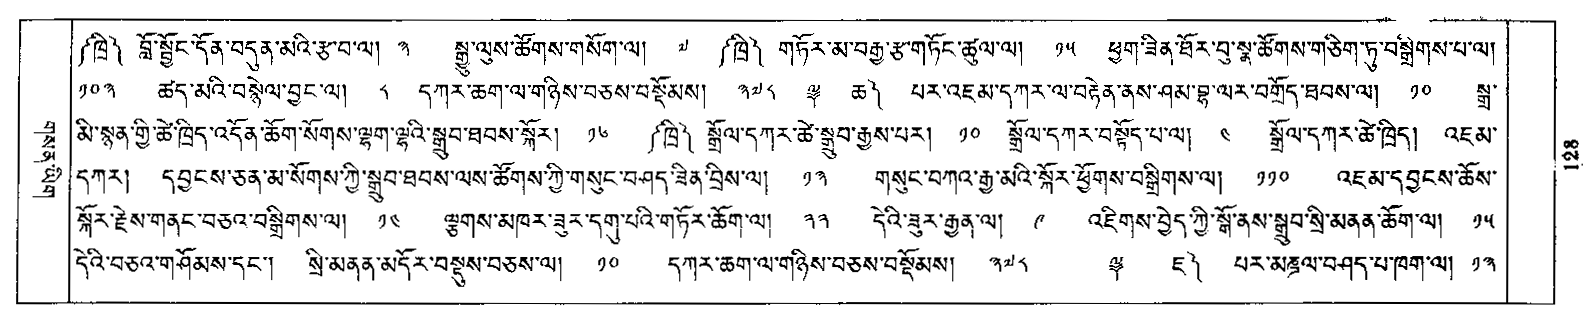༼ཁྲ྄ི་བློ་སྦྱོང་དོན་བདུན་མའི་རྩ་བ་ལ། ༣་སྒྱུ་ལུས་ཚོགས་གསོག་ལ། ༧་༽ཁྲ྄ི་གཏོར་མ་བརྒྱ་རྩ་གཏོང་ཚུལ་ལ། ༡༥་ཕྱག་ཟིན་ཐོར་བུ་སྣ་ཚོགས་གཅིག་ཏུ་བསྒྲིགས་པ་ལ།
༡༠༣་ཚད་མའི་བསྙེལ་བྱང་ལ། ༨་དཀར་ཆག་ལ་གཉིས་བཅས་བསྡོམས། ༣༧༨་༈ ཆ྄་པར་འཇམ་དཀར་ལ་བརྟེན་ནས་ཤམ་བྷ་ལར་བགྲོད་ཐབས་ལ། ༡༠་སྒྲ་
མི་སྙན་གྱི་ཚེ་ཁྲིད་འདོན་ཆོག་སོགས་ལྷག་ལྷའི་སྒྲུབ་ཐབས་སྐོར། ༡༦་ཁྲ྄ི་སྒྲོལ་དཀར་ཚེ་སྒྲུབ་རྒྱས་པར། ༡༠་སྒྲོལ་དཀར་བསྟོད་པ་ལ། ༤་སྒྲོལ་དཀར་ཚེ་ཁྲིད། འཇམ་
དཀར། དབྱངས་ཅན་མ་སོགས་ཀྱི་སྒྲུབ་ཐབས་ལས་ཚོགས་ཀྱི་གསུང་བཤད་ཟིན་བྲིས་ལ། ༡༣་གསུང་བཀའ་རྒྱ་མའི་སྐོར་ཕྱོགས་བསྒྲིགས་ལ། ༡༡༠་འཇམ་དབྱངས་ཆོས་
སྐོར་རྗེས་གནང་བཅའ་བསྒྲིགས་ལ། ༡༤་ལྕགས་མཁར་ཟུར་དགུ་པའི་གཏོར་ཆོག་ལ། ༢༢་དེའི་ཟུར་རྒྱན་ལ། ༩་འཇིགས་བྱེད་ཀྱི་སྒོ་ནས་སྒྲུབ་སྲི་མནན་ཆོག་ལ། ༡༥
དེའི་བཅའ་གཤོམས་དང་། སྲི་མནན་མདོར་བསྡུས་བཅས་ལ། ༡༠་དཀར་ཆག་ལ་གཉིས་བཅས་བསྡོམས། ༣༧༨་༈ ཇ྄་པར་མཎྜལ་བཤད་པ་ཁག་ལ། ༡༣